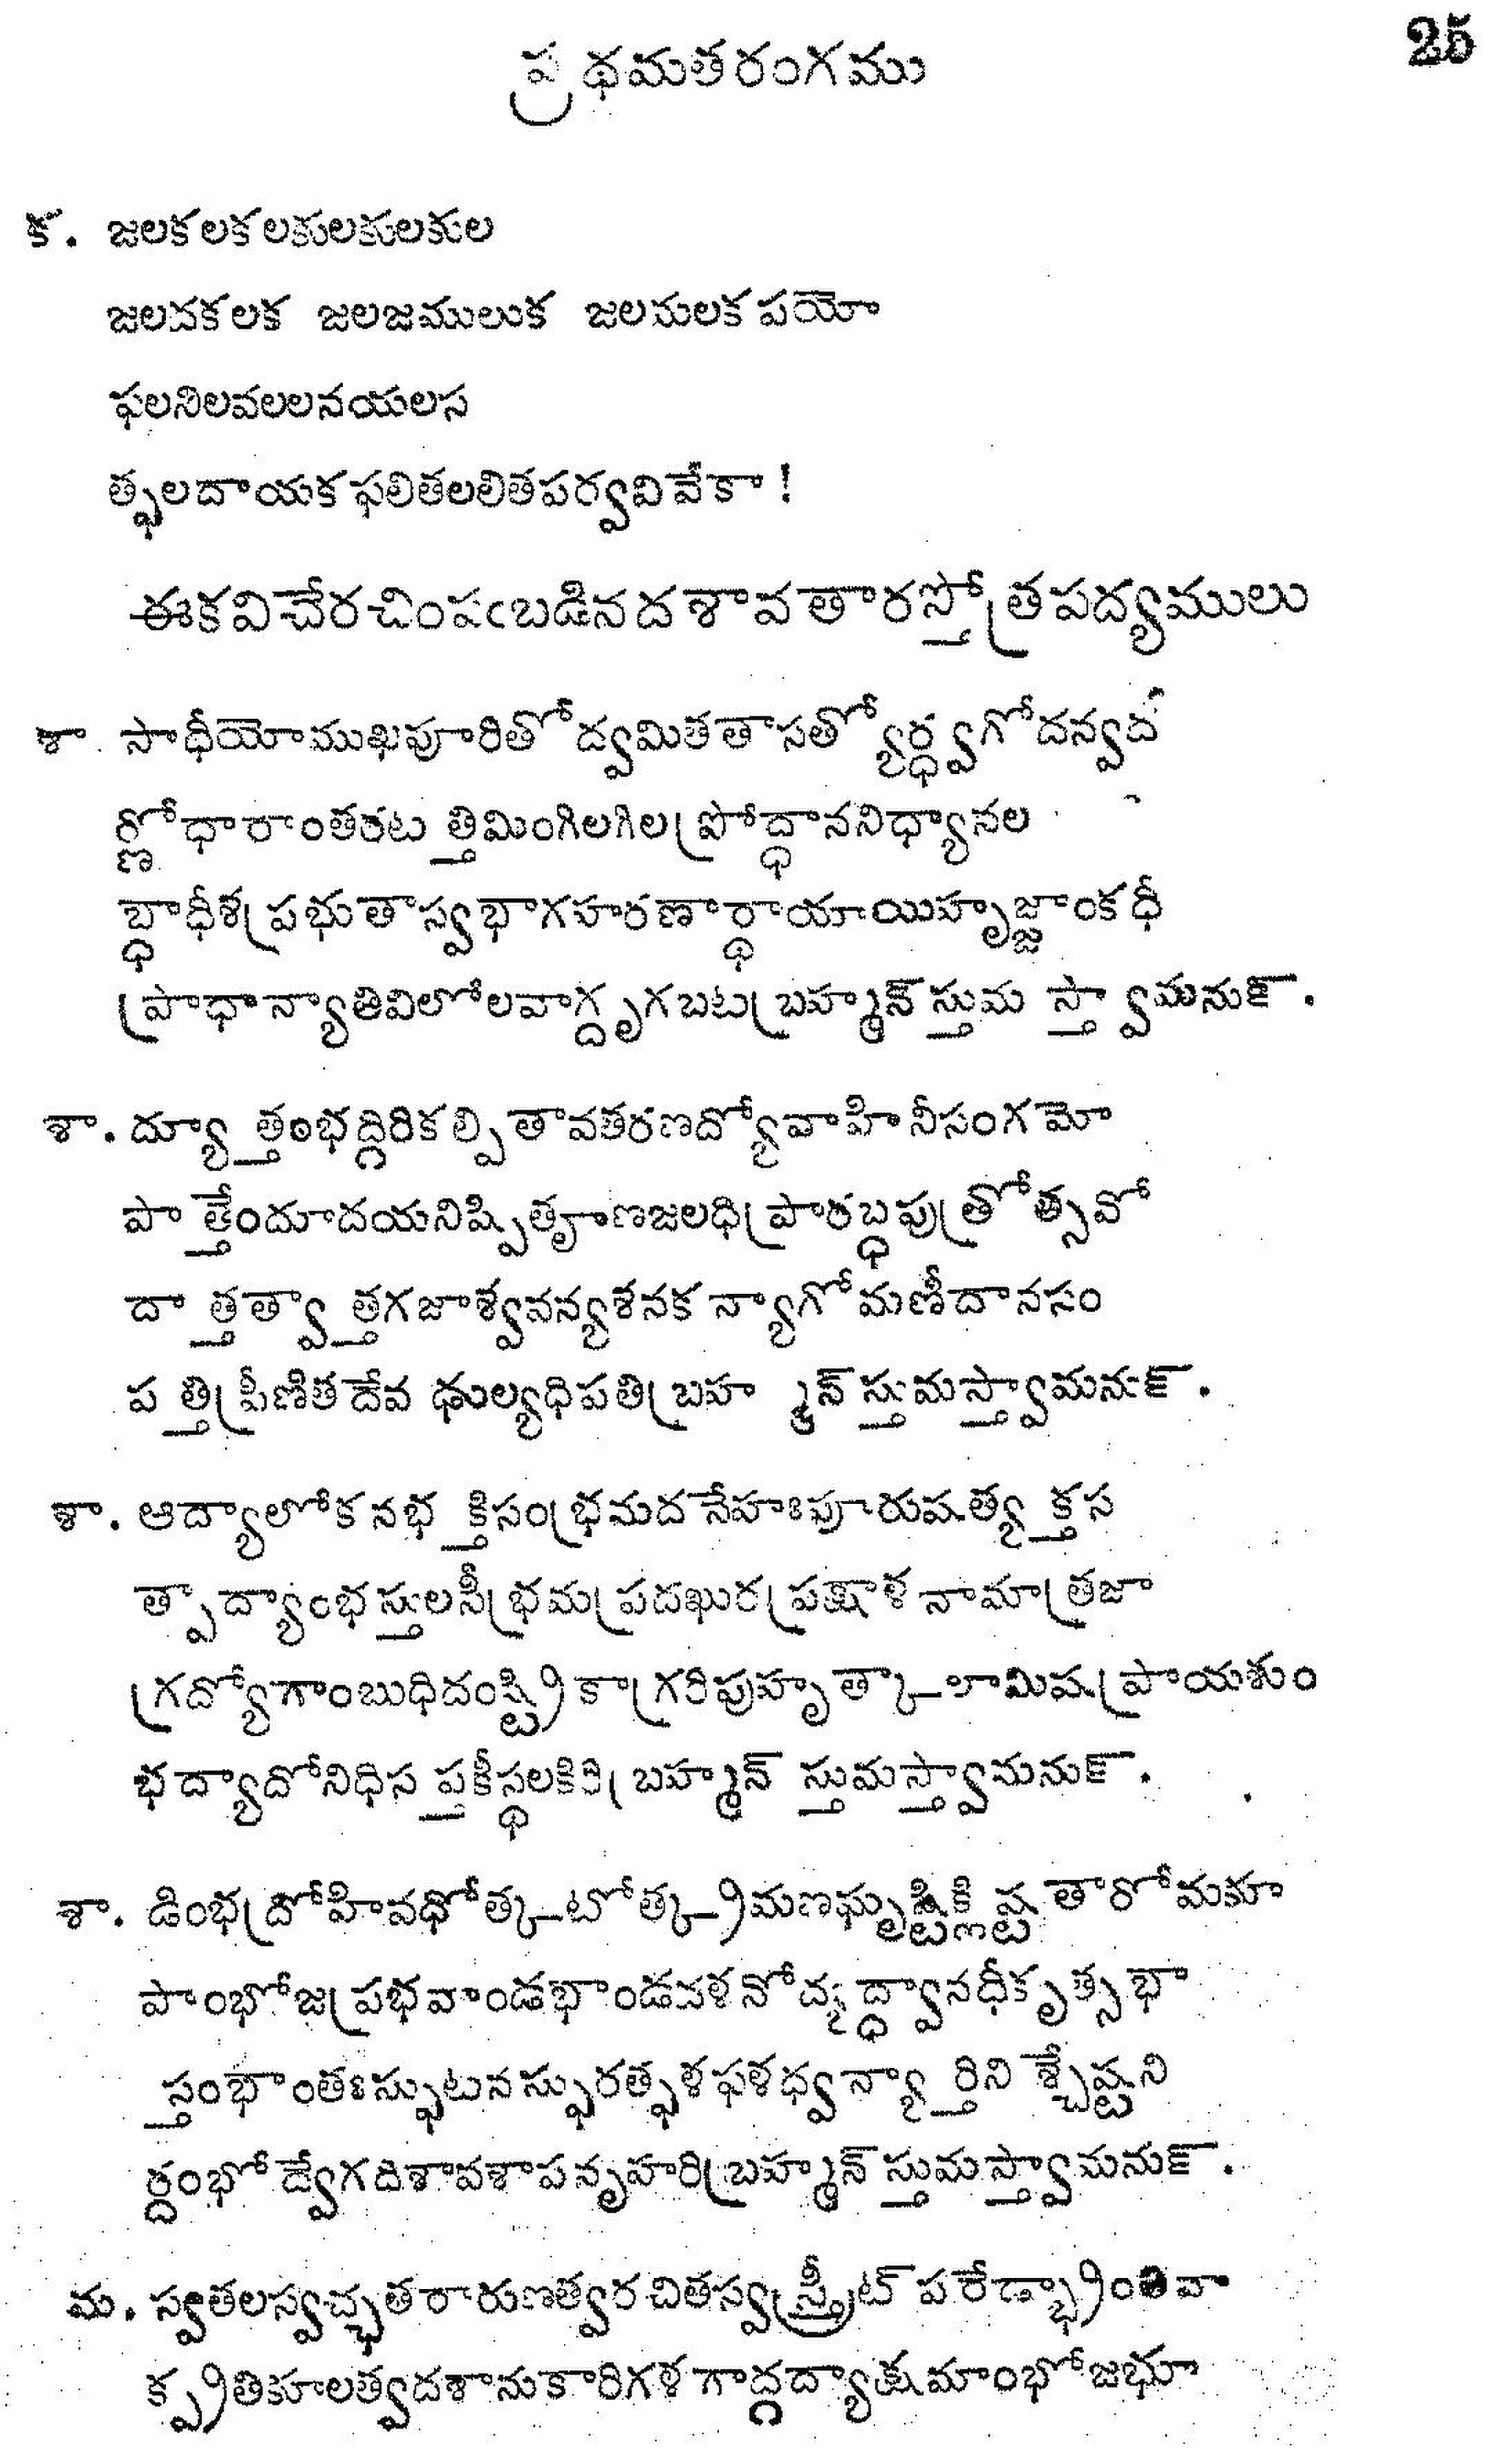క. జలకలకలకులకులకుల
 జలదకలక జలజములుక జలమలకపయో
 పలనిలవలలనయలస
 త్ఫలదాయకఫలితలలితపర్వవివేకా!

 ఈకవిచే రచింపఁబడిన దశావతారస్తోత్రపద్యములు

శా. సాధీయోముఖపూరితోద్వమితతాసత్యోర్ధ్వగోదన్వదీ
 ర్ణోధారాంతరటత్తిమింగిలగిలప్రోద్ధాననిధ్యానల
 బ్ధాధీశప్రభుతాస్వభాగహరణార్థాయాయిహృజ్జాంకధీ
 ప్రాధాన్యాతివిలోలవాగ్దృగబటబ్రహ్మన్ స్తుమస్త్వామనున్.

శా. ద్యూత్తంభద్గిరికల్పితావతరణద్యోవాహినీసంగమో
 పాత్తేందూదయనిష్పితౄణజలదిప్రారబ్ధపుత్రోత్సవో
 దాత్తత్వాత్తగజాశ్వవన్యశనకన్యాగోమణీదానసం
 పత్తిప్రీణితదేవఢుల్యధిపతిబ్రహ్మన్ స్తుమస్త్వామనున్.

శా. ఆద్యాలోకనభక్తిసంభ్రమదనేహఃపూరుషత్యక్తస
 త్పాద్యాంభస్తులసీభ్రమప్రదఖురప్రక్షాళనామాత్రజా
 గ్రద్యోగాంబుధిదంష్ట్రికాగ్రరిపుహృత్కాలామిషప్రాయశుం
 భద్యాదోనిధిసప్తికీస్థలకిరిబ్రహ్మన్ స్తుమస్త్వామనున్.

శా. డింభద్రోహివధోత్కటోత్క్రమణఘృష్టిక్లిష్టతారోమకూ
 పాంభోజప్రభవాండభాండదళనాద్యద్ధ్వానధీకృత్సభా
 స్తంభాంతఃస్ఫుటనస్ఫురత్ఫళఫళధ్వన్యార్తినిశ్చేష్టని
 ర్దంభోద్వోగదిశావశాపనృహరిబ్రహ్మన్ స్తుమస్త్వామనున్.

మ. స్వతలస్వచ్ఛతరారుణత్వరచితస్వస్త్రీట్ పరేడ్భ్రాంతివా
 క్ప్రతికూలత్వదశానుకారిగళగాద్గద్యాక్షమాంభోజభూ